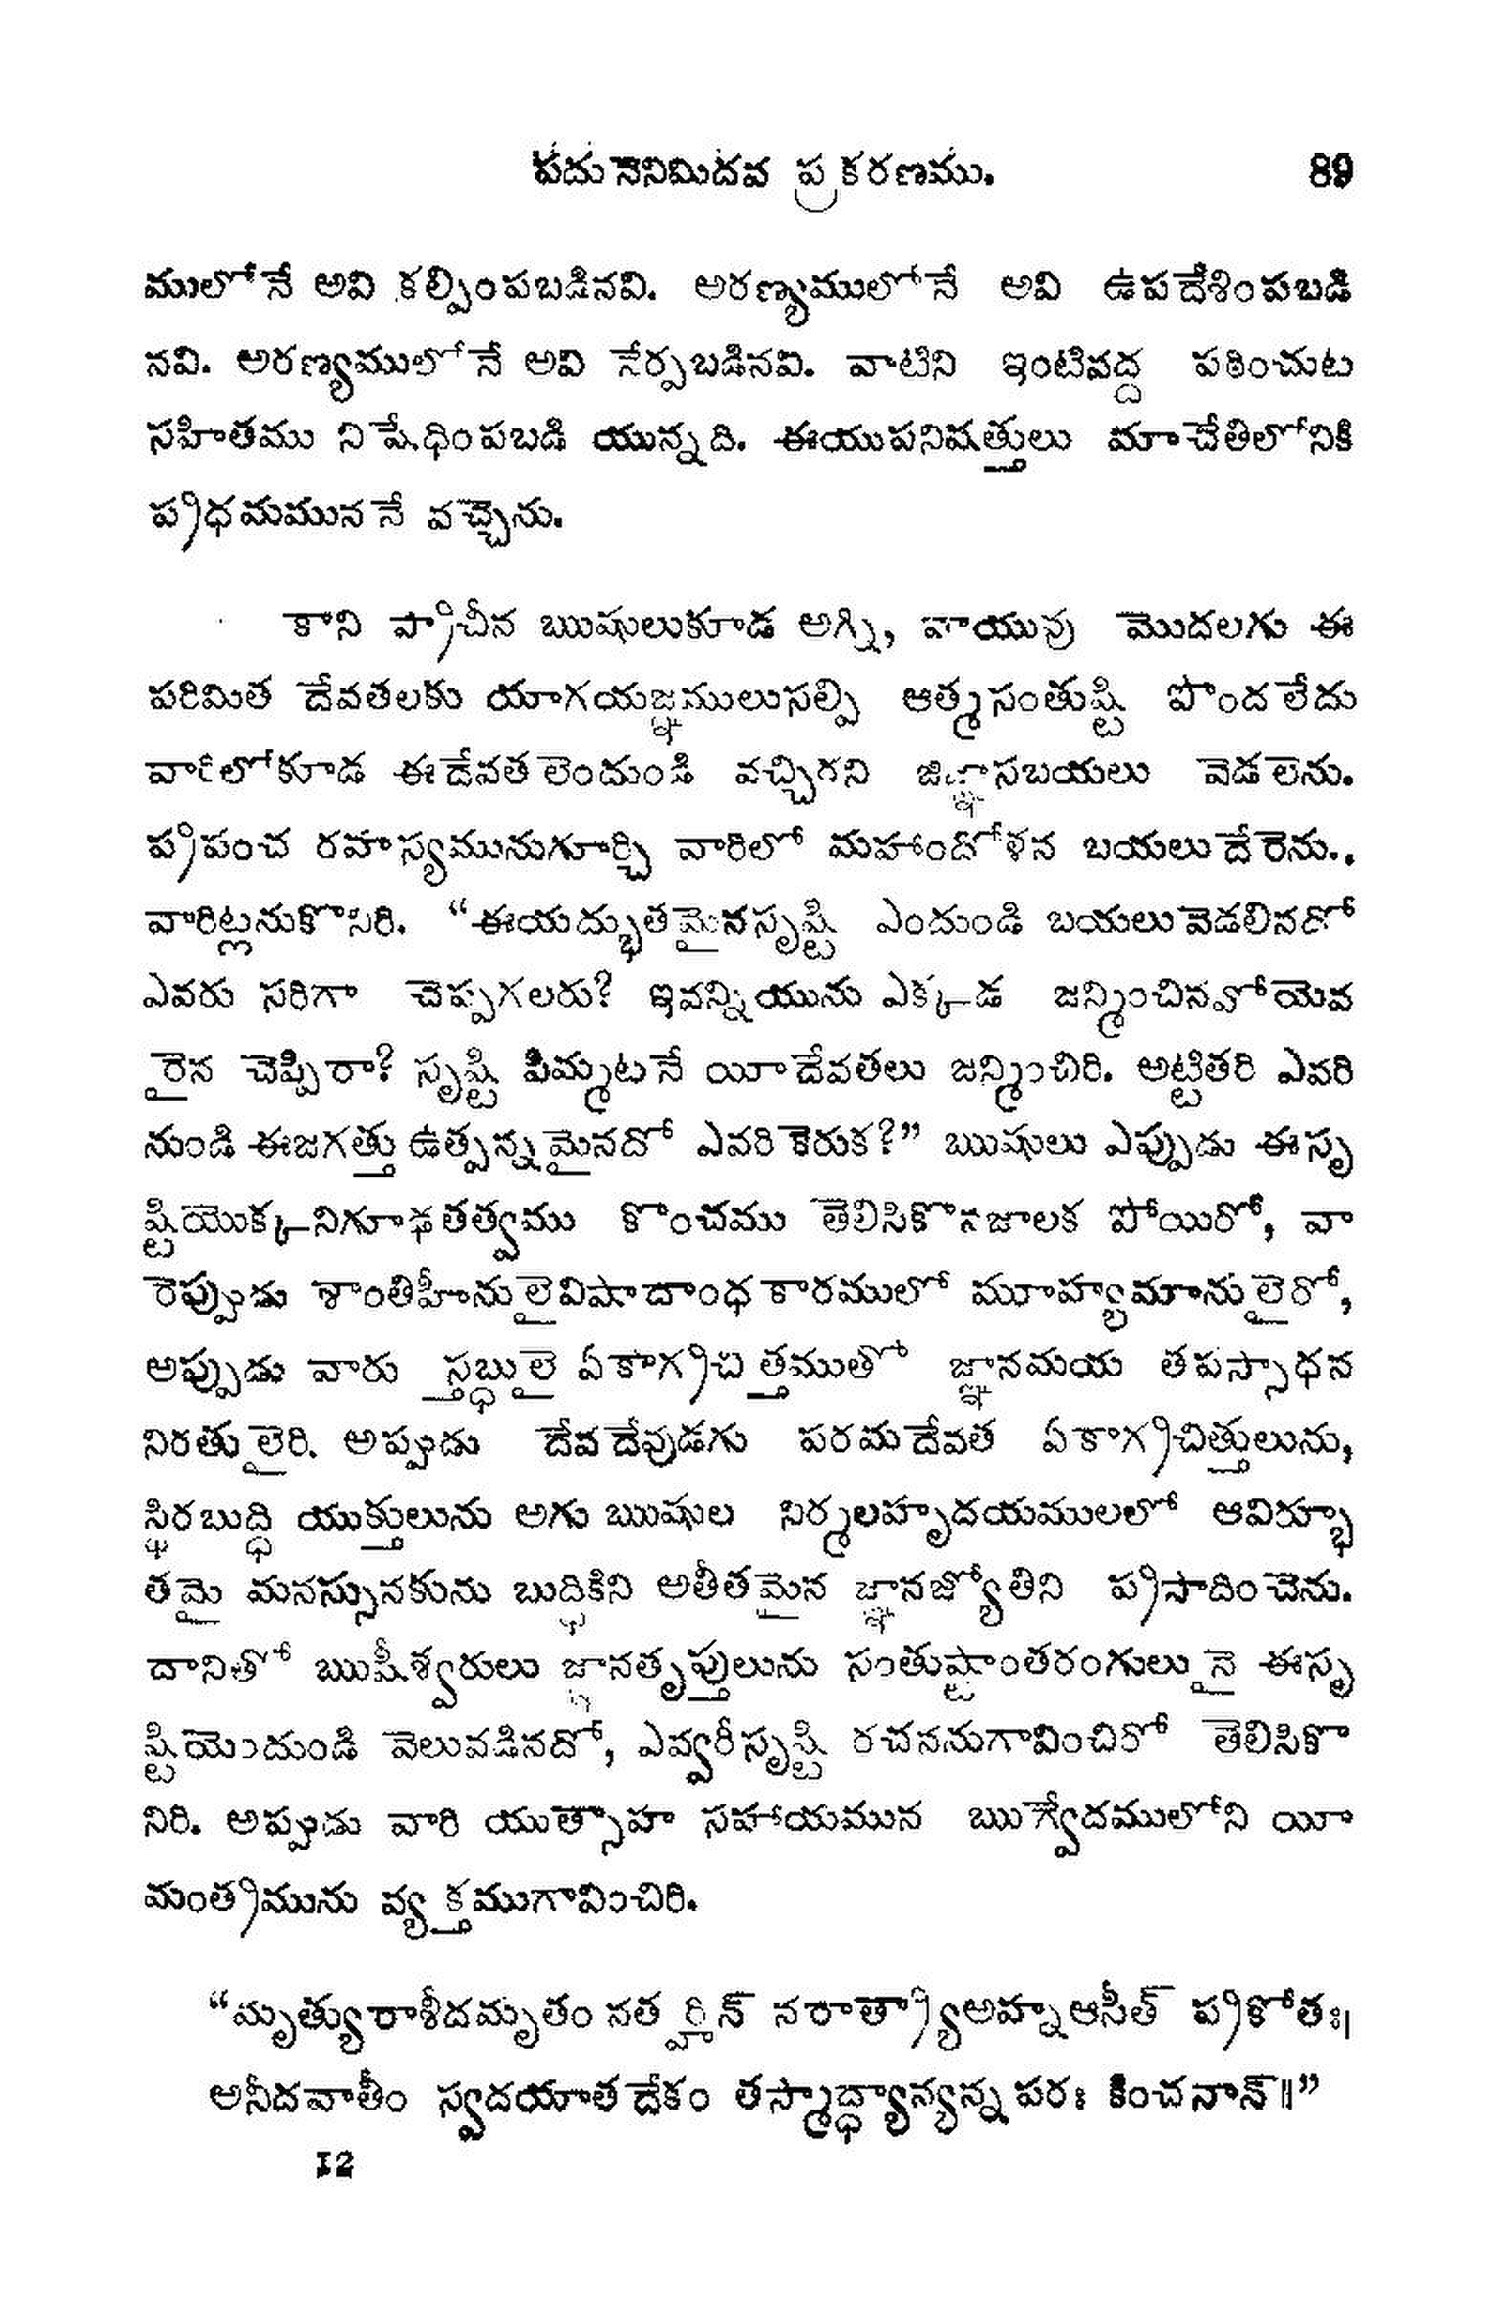ములోనే అవి కల్పింపబడినవి. అరణ్యములోనే అవి ఉపదేశింపబడినవి. అరణ్యము
లో నే అవి నేర్పబడినవి. వాటిని ఇంటివద్ద పఠించుట సహితము నిషేధింపబడి యున్నది. ఈయుపనిషత్తులు మా చేతిలోనికి ప్రధమముననే వచ్చెను. 

కాని ప్రాచీన ఋషులుకూడ అగ్ని, వాయువు మొదలగు ఈ పరిమిత దేవతలకు యాగయజ్ఞములు సల్పి ఆత్మ సంతుష్టి పొంద లేదు.వారిలో కూడ ఈ దేవత 
లెందుండి వచ్చిరని జి-సబయలు వెడలెను. ప్రపంచ రహస్యమునుగూర్చి వారిలో మహాందోళన బయలు దేరెను.. వారిట్లనుకొసరి. “ఈయద్భుతమైన సృష్టి ఎందుండి బయలు వెడలినదో ఎవరు సరిగా చెప్పగలరు? ఇవన్నియును ఎక్కడ జన్మించినవో 
యెరైన చెప్పిరా? సృష్టి పిమ్మటనే యీ దేవతలు జన్మించిరి. అట్టితరి 
ఎవరి నుండి ఈజగత్తు ఉత్పన్నమైనదో ఎవరి కెరుక?” ఋషులు ఎప్పుడు 
ఈ సృష్టియొక్క నిగూఢ తత్వము కొంచము తెలిసికొసజాలక పోయిరో, 
వారెప్పుడు శాంతిహీను లైవిషాదాంధ కారములో మూహ్యమాను లైరో,
అప్పుడు వారు _స్తబ్ధులై ఏకాగ్రచిత్తముతో జ్ఞానమయ తపస్సాధన
నిరతులైరి. అప్పుడు దేవ దేవుడగు పరమ దేవత ఏకాగ్రచిత్తులును,
స్థిర బుద్ధి యుక్తులును అగు ఋషుల సిర్మలహృదయములలో 
ఆవిర్భూతమై మనస్సునకును బుధికిని అతీతమైన జ్ఞానజ్యోతిని 
ప్రసాదించెను. దానితో ఋషీశ్వరులు జానతృప్తులును సంతుష్టాంత
రంగులు నై ఈసృష్టి యెదుండి వెలువడినదో, ఎవ్వరీసృష్టి రచనను
గావించిరో తెలిసికొనిరి. అప్పుడు వారి యుత్సాహ సహాయమున 
ఋగ్వేదములోని మంత్రమును వ్యక్తము గావించిరి.

“నుృత్యురాశీ దమృతం వతన్ సరాత్యాఅహ్న అసీత్ ప్రకోతః |
అనీదవాతం స్వదయాళ దేశం తస్మాధ్యాన్యన్న పరః కించ నాన్|"